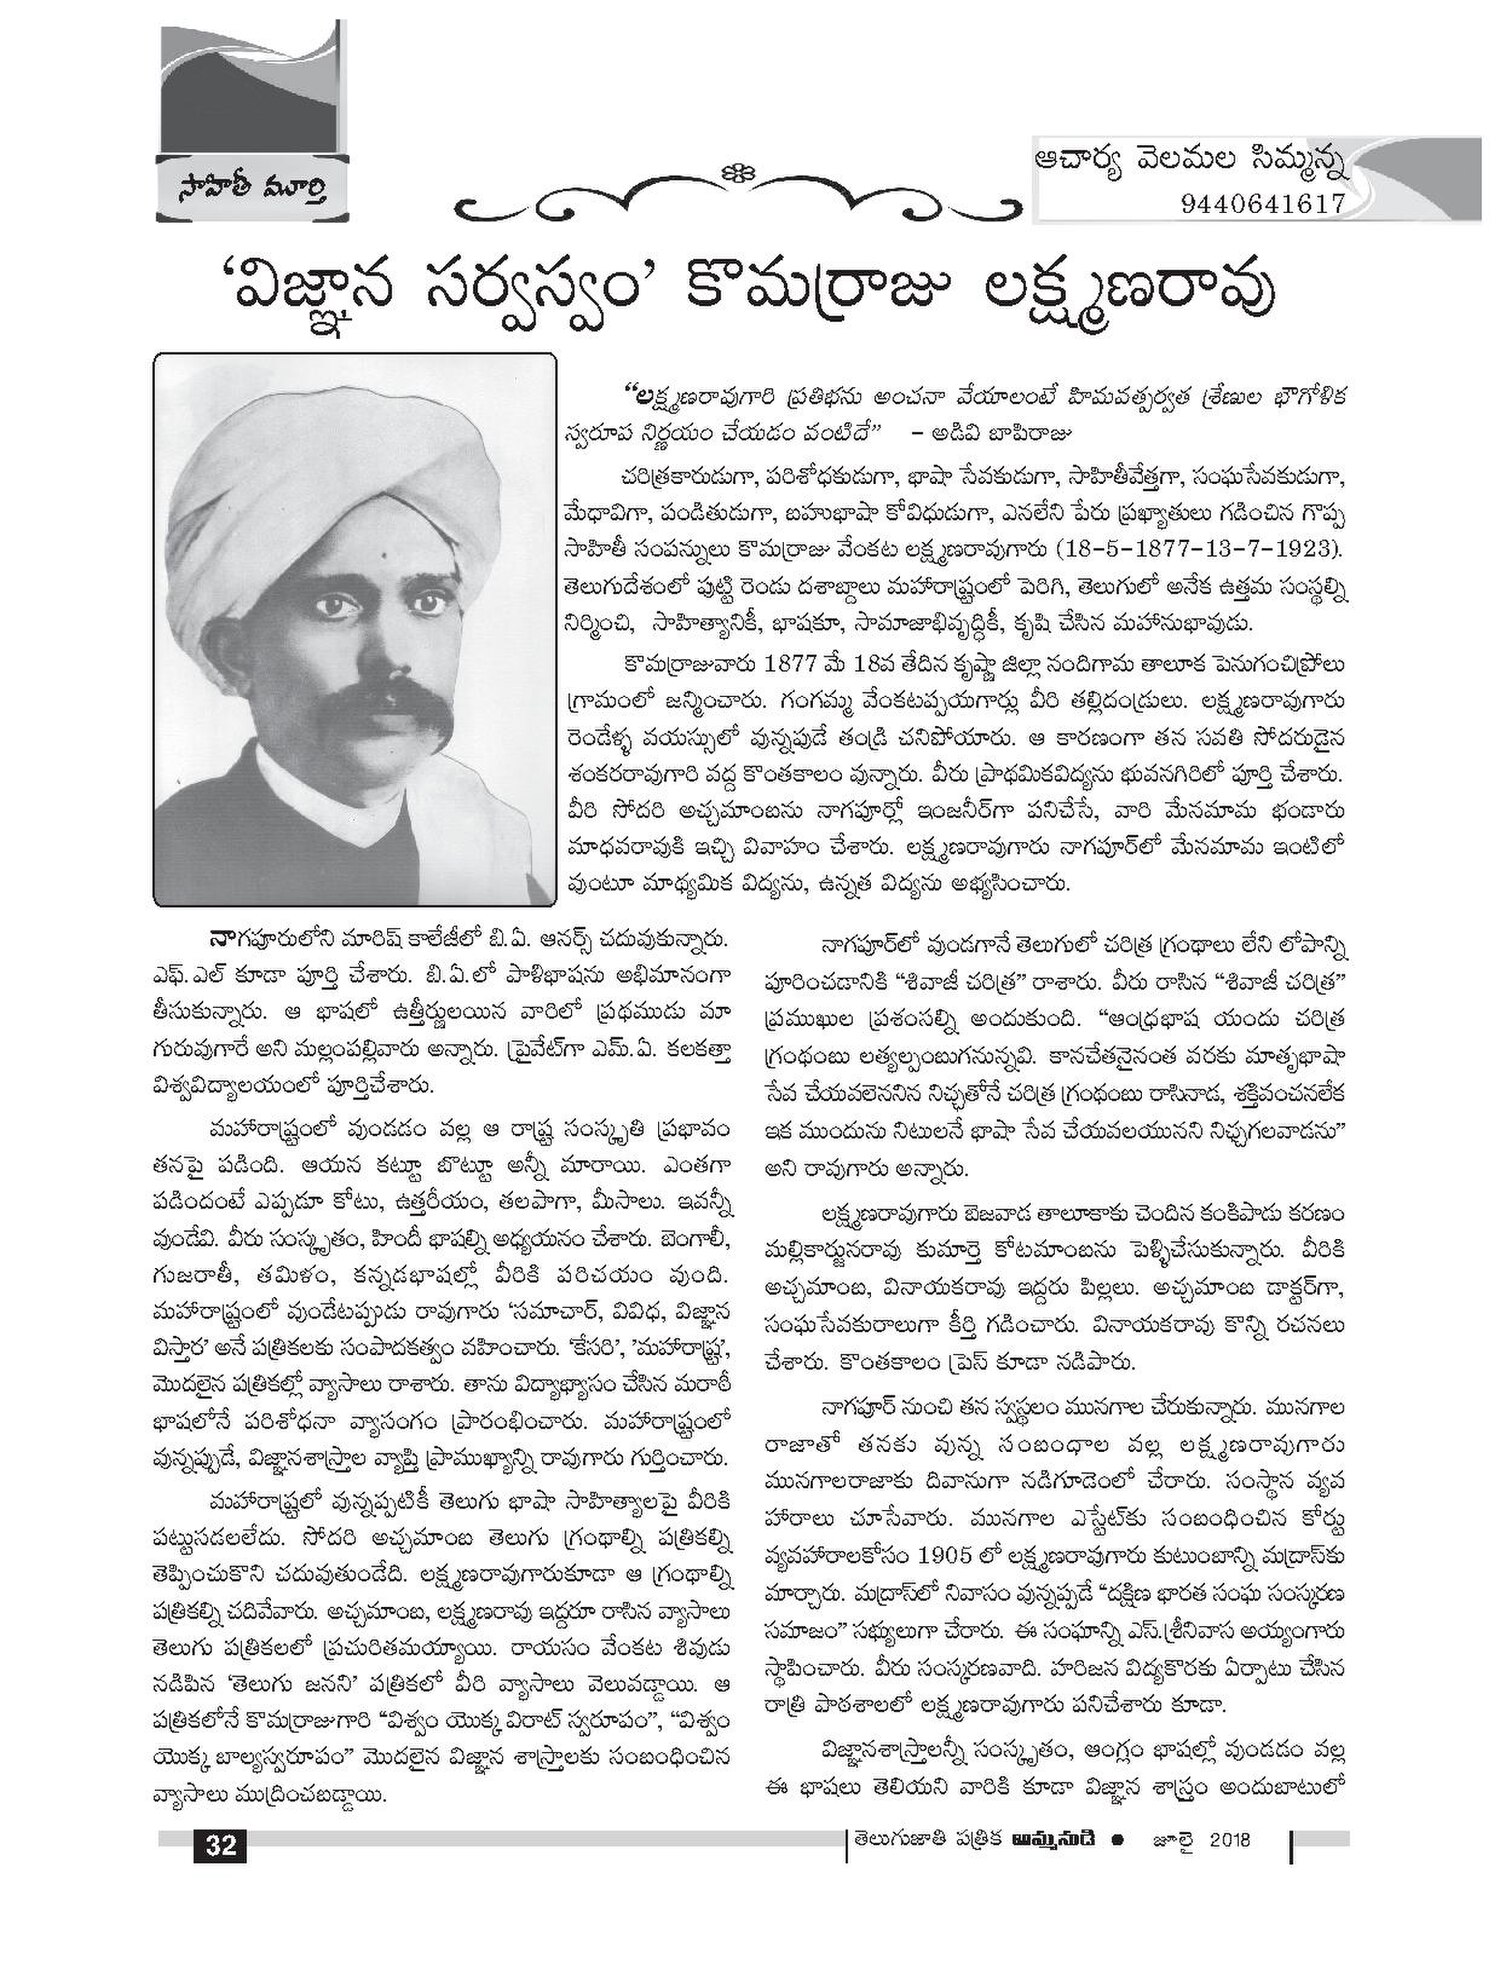'విజ్ఞాన సర్వస్వం' కొమర్రాజు లక్ష్మణరావు

“లక్ష్మణరావుగారి వ్రతిభను అంచనా వేయాలంటే హిమవత్పర్వత శ్రేణుల భౌగోళిక న్వరూప నిర్ణయం చేయడం వంటిదే” - అడివి బాపిరాజు

చరిత్రకారుడుగా, పరిశోధకుడుగా, భాషా సేవకుడుగా, సాహితీవేత్తగా, సంఘసేవకుడుగా, మేధావిగా, పండితుడుగా, బహుభాషా కోవిధుడుగా, ఎనలేని పేరు ప్రఖ్యాతులు గడించిన గొప్ప సాహితీ సంపన్నులు కొమర్రాజు వేంకట లక్ష్మణరావుగారు (18-5-1877 - 13-7-1923). తెలుగుదేశంలో పుట్టి రెండు దశాబ్దాలు మహారాష్ట్రంలో పెరిగి, తెలుగులో అనేక ఉత్తమ సంస్థల్ని నిర్మించి, సాహిత్యానికీ, భాషకూ, సామాజాభివృద్ధికీ, కృషి చేసిన మహానుభావుడు.

కొమర్రాజువారు 1877 మే 18వ తేదిన కృష్ణా జిల్లా నందిగామ తాలూక పెనుగంచిప్రోలు గ్రామంలో జన్మించారు. గంగమ్మ వేంకటప్పయగార్లు వీరి తల్లిదండ్రులు. లక్ష్మణరావుగారు రెండేళ్ళ వయస్సులో వున్నపుడే తండ్రి చనిపోయారు. ఆ కారణంగా తన సవతి సోదరుడైన శంకరరావుగారి వద్ద కొంతకాలం వున్నారు. వీరు ప్రాథమికవిద్యను భువనగిరిలో పూర్తి చేశారు. వీరి సోదరి అచ్చమాంబను నాగపూర్లో ఇంజనీర్‌గా పనిచేసే, వారి మేనమామ భండారు మాధవరావుకి ఇచ్చి వివాహం చేశారు. లక్ష్మణరావుగారు నాగపూర్‌లో మేనమామ ఇంటిలో వుంటూ మాథ్యమిక విద్యను, ఉన్నత విద్యను అభ్యసించారు.
 
నాగపూరులోని మారిష్‌ కాలేజీలో బి.ఏ. ఆనర్స్‌ చదువుకున్నారు. ఎఫ్‌. ఎల్‌ కూడా పూర్తి చేశారు. బి. ఏ. లో పాళిభాషను అభిమానంగా తీసుకున్నారు. ఆ భాషలో ఉత్తీర్ణులయిన వారిలో ప్రథముడు మా
గురువుగారే అని మల్లంపల్లివారు అన్నారు. ప్రైవేట్‌గా ఎమ్‌.ఏ. కలకత్తా విశ్వవిద్యాలయంలో పూర్తిచేశారు.

మహారాష్ట్రంలో వుండడం వల్ల ఆ రాష్ట్ర సంస్కృతి ప్రభావం తనపై పడింది. ఆయన కట్టూ బొట్టూ అన్నీ మారాయి. ఎంతగా పడిందంటే ఎప్పడూ కోటు, ఉత్తరీయం, తలపాగా, మీసాలు. ఇవన్నీ
వుండేవి. వీరు సంస్కృతం, హిందీ భాషల్ని అధ్యయనం చేశారు. బెంగాలీ, గుజరాతీ, తమిళం, కన్నడభాషల్లో వీరికి పరిచయం వుంది. మహారాష్ట్రంలో వుండేటప్పుడు రావుగారు 'సమాచార్‌, వివిధ, విజ్ఞాన విస్తార' అనే పత్రికలకు సంపాదకత్వం వహించారు. 'కేసరి', 'మహారాష్ట్ర', మొదలైన పత్రికల్లో వ్యాసాలు రాశారు. తాను విద్యాభ్యాసం చేసిన మరాఠీ భాషలోనే పరిశోధనా వ్యాసంగం ప్రారంభించారు. మహారాష్ట్రంలో వున్నప్పుడే, విజ్ఞానశాస్త్రాల వ్యాప్తి ప్రాముఖ్యాన్ని రావుగారు గుర్తించారు.

మహారాష్ట్రలో వున్నప్పటికీ తెలుగు భాషా సాహిత్యాలపై వీరికి పట్టుసడలలేదు. సోదరి అచ్చమాంబ తెలుగు గ్రంథాల్ని పత్రికల్ని తెప్పించుకొని చదువుతుండేది. లక్ష్మణరావుగారుకూడా ఆ గ్రంథాల్ని
పత్రికల్ని చదివేవారు. అచ్చమాంబ, లక్ష్మణరావు ఇద్దరూ రాసిన వ్యాసాలు తెలుగు పత్రికలలో ప్రచురితమయ్యాయి. రాయసం వేంకట శివుడు నడిపిన 'తెలుగు జనని' వత్రికలో వీరి వ్యాసాలు వెలువడ్డాయి. ఆ పత్రికలోనే కొమర్రాజుగారి “విశ్వం యొక్క విరాట్‌ స్వరూపం”, “విశ్వం యొక్క బాల్యస్వరూపం” మొదలైన విజ్ఞాన శాస్త్రాలకు సంబంధించిన వ్యాసాలు ముద్రించబడ్డాయి.

నాగపూర్‌లో వుండగానే తెలుగులో చరిత్ర గ్రంథాలు లేని లోపాన్ని పూరించడానికి “శివాజీ చరిత్ర” రాశారు. వీరు రాసిన “శివాజీ చరిత్ర” ప్రముఖుల ప్రశంసల్ని అందుకుంది. “ఆంధ్రభాష యందు చరిత్ర
గ్రంథంబు లత్యల్పంబుగనున్నవి. కానచేతనైనంత వరకు మాతృభాషా సేవ చేయవలెననిన నిచ్ఛతోనే చరిత్ర గ్రంథంబు రాసినాడ, శక్తివంచనలేక ఇక ముందును నిటులనే భాషా సేవ చేయవలయునని నిచ్చగలవాడను” అని రావుగారు అన్నారు.

లక్ష్మణరావుగారు బెజవాడ తాలూకాకు చెందిన కంకిపాడు కరణం మల్లికార్జునరావు కుమార్తె కోటమాంబను పెళ్ళిచేసుకున్నారు. వీరికి అచ్చమాంబ, వినాయకరావు ఇద్దరు పిల్లలు. అచ్చమాంబ డాక్టర్‌గా, సంఘసేవకురాలుగా కీర్తి గడించారు. వినాయకరావు కొన్ని రచనలు చేశారు. కొంతకాలం ప్రెస్‌ కూడా నడిపారు.

నాగపూర్‌ నుంచి తన స్వస్థలం మునగాల చేరుకున్నారు. మునగాల రాజాతో తనకు వున్న నంబంధాల వల్ల లక్ష్మణరావుగారు మునగాలరాజాకు దివానుగా నడిగూడెంలో చేరారు. సంస్థాన వ్యవహారాలు చూసేవారు. మునగాల ఎస్టేట్‌కు సంబంధించిన కోర్టు వ్యవహారాలకోసం 1905 లో లక్ష్మణరావుగారు కుటుంబాన్ని మద్రాస్‌కు మార్చారు. మద్రాస్‌లో నివాసం వున్నప్పడే “దక్షిణ భారత సంఘ సంస్మరణ
సమాజం” సభ్యులుగా చేరారు. ఈ సంఘాన్ని ఎస్‌. శ్రీనివాస అయ్యంగారు స్థాపించారు. వీరు సంస్కరణవాది. హరిజన విద్యకొరకు ఏర్పాటు చేసిన రాత్రి పాఠశాలలో లక్ష్మణరావుగారు పనిచేశారు కూడా.

విజ్ఞానశాస్త్రాలన్నీ సంస్కృతం, ఆంగ్లం భాషల్లో వుండడం వల్ల ఈ భాషలు తెలియని వారికి కూడా విజ్ఞాన శాస్తం అందుబాటులో